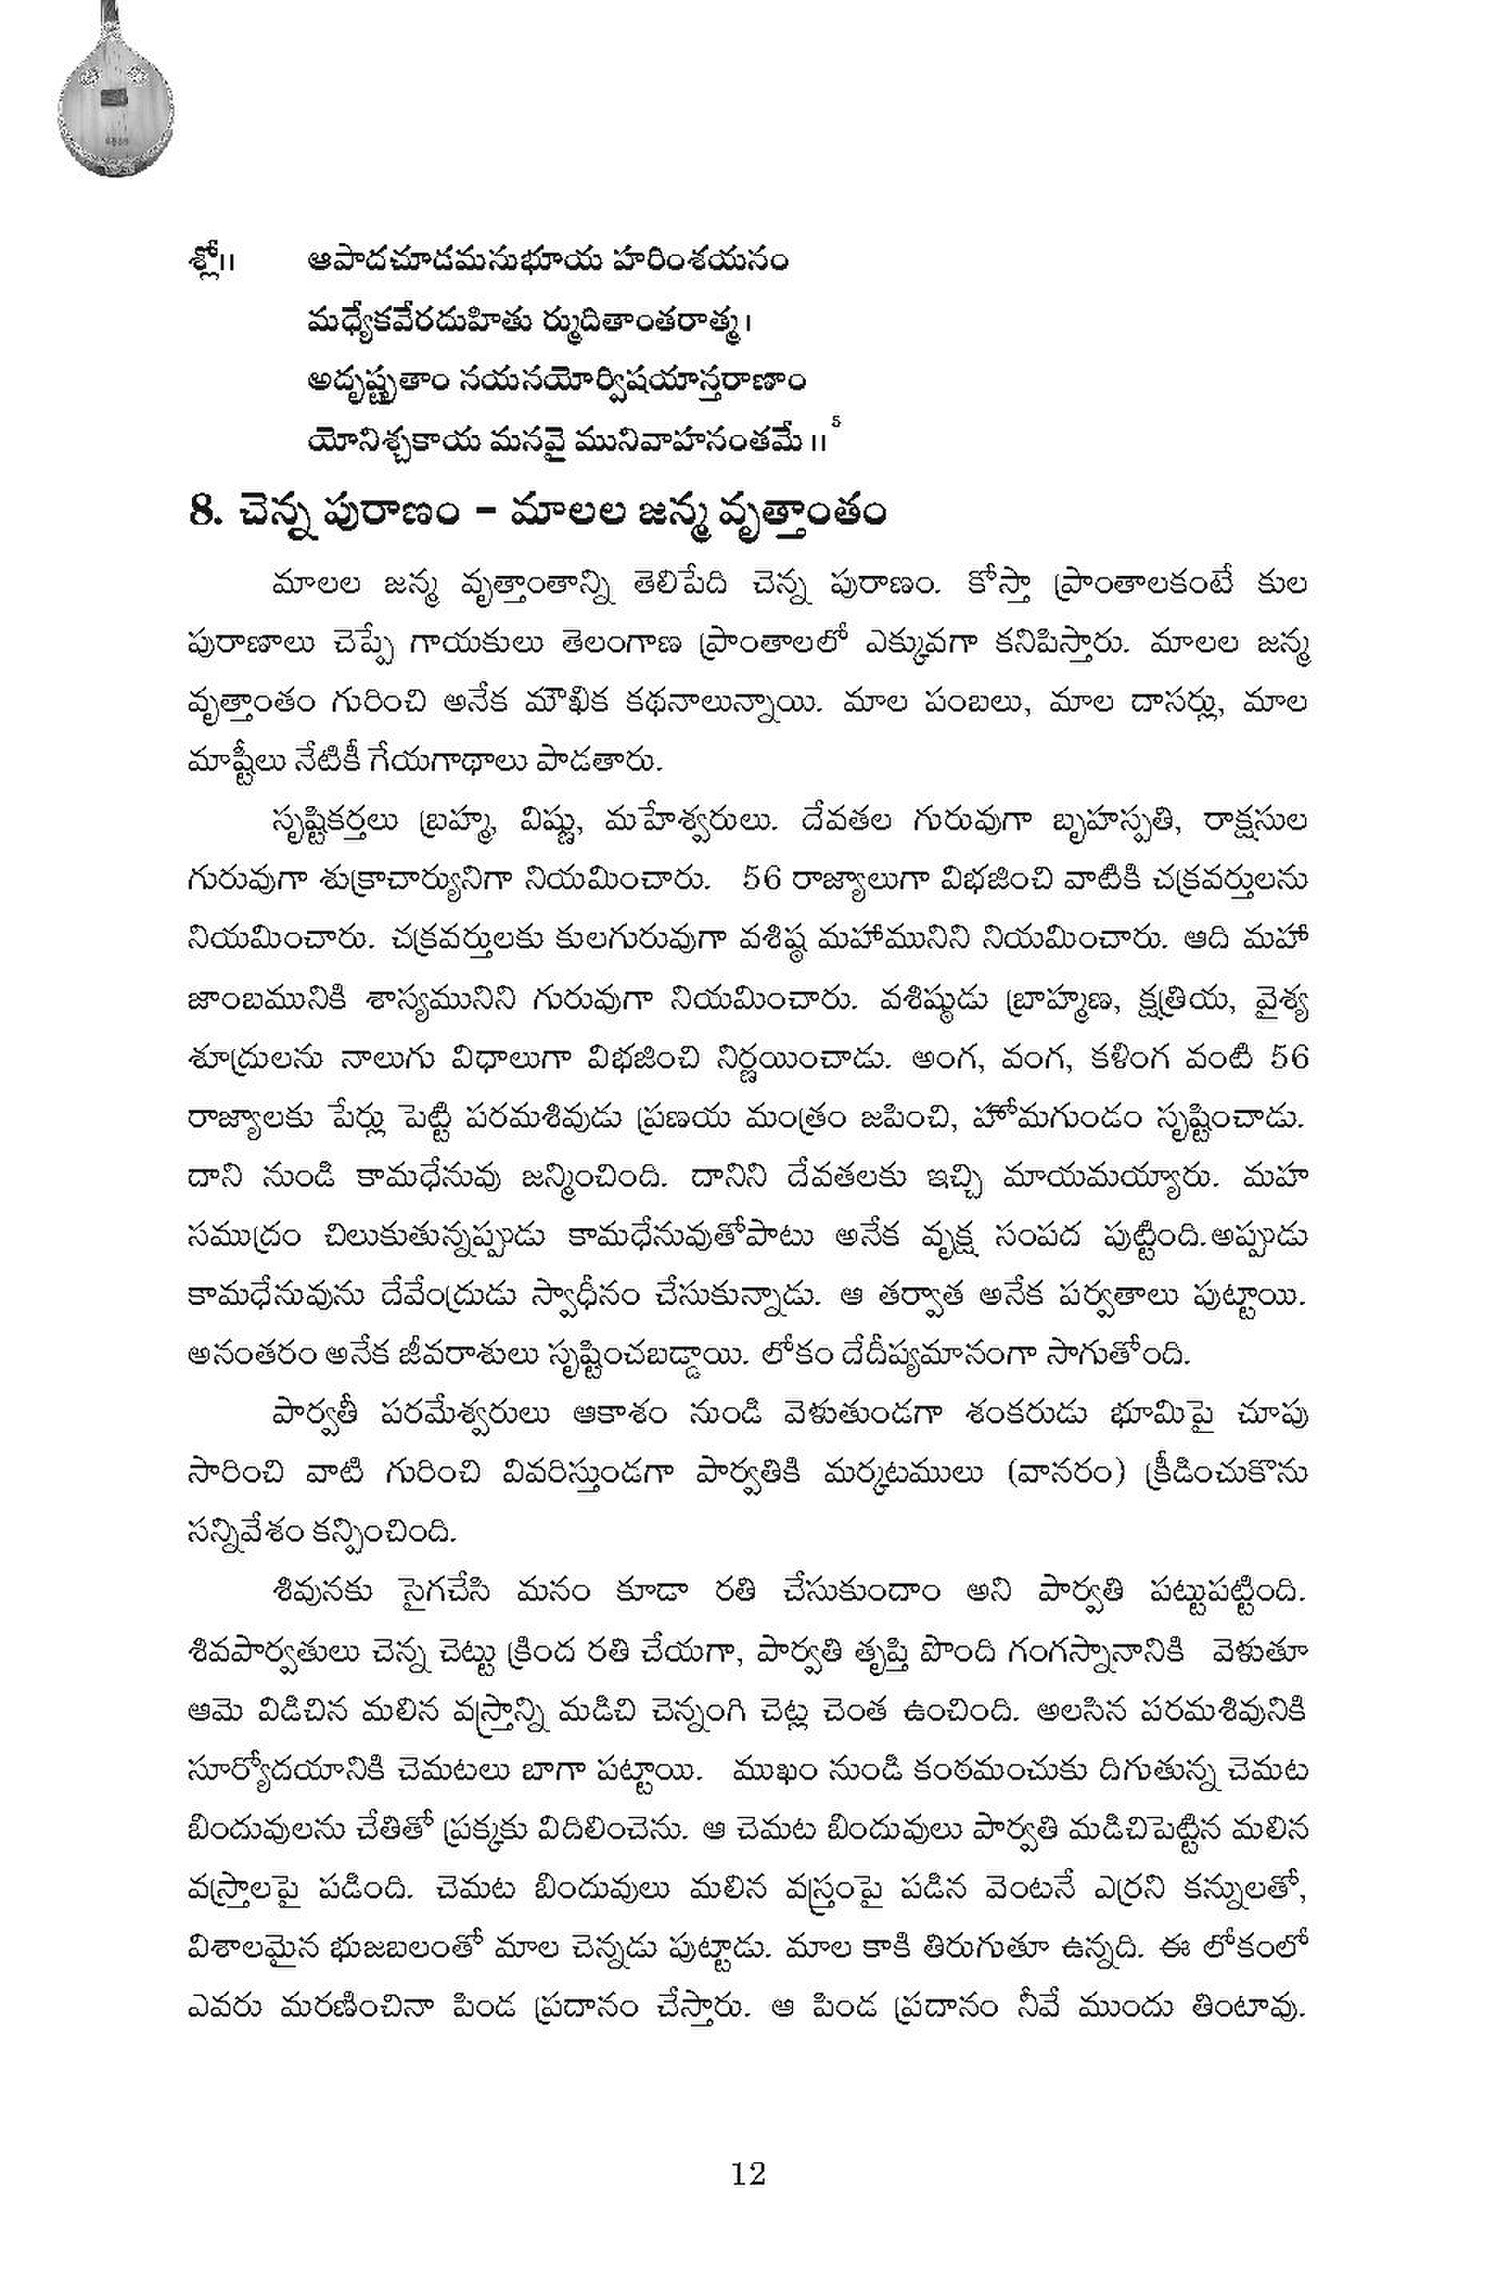శ్లొ౹౹ ఆపాదచూడమనుభూయ హరింశయనం
మధ్యేకవేరదుహితు రుదితాంతరాత్మ।
అదృష్టృతాం నయనయోర్విషయాన్తరాణాం
యోనిశ్చకాయ మనవై మునివాహనంతమే ॥ 

8. చెన్న పురాణం - మాలల జన్మ వృత్తాంతం 

మాలల జన్మ వృత్తాంతాన్ని తెలిపేది చెన్న పురాణం. కోస్తా ప్రాంతాలకంటే కుల పురాణాలు చెప్పే గాయకులు తెలంగాణ ప్రాంతాలలో ఎక్కువగా కనిపిస్తారు. మాలల జన్మ వృత్తాంతం గురించి అనేక మౌఖిక కథనాలున్నాయి. మాల పంబలు, మాల దాసర్లు, మాల మాస్టీలు నేటికీ గేయగాథాలు పాడతారు.

సృష్టికర్తలు బ్రహ్మ, విష్ణు, మహేశ్వరులు. దేవతల గురువుగా బృహస్పతి, రాక్షసులు గురువుగా శుక్రాచార్యునిగా నియమించారు. 56 రాజ్యాలుగా విభజించి వాటికి చక్రవర్తులను నియమించారు. చక్రవర్తులకు కులగురువుగా వశిష్ఠ మహామునిని నియమించారు. ఆది మహా జాంబమునికి శాస్యమునిని గురువుగా నియమించారు. వశిష్ఠుడు బ్రాహ్మణ, క్షత్రియ, వైశ్య శూద్రులను నాలుగు విధాలుగా విభజించి నిర్ణయించాడు. అంగ, వంగ, కళింగ వంటి 56 రాజ్యాలకు పేర్లు పెట్టి పరమశివుడు ప్రణయ మంత్రం జపించి, హోమగుండం సృష్టించాడు. దాని నుండి కామధేనువు జన్మించింది. దానిని దేవతలకు ఇచ్చి మాయమయ్యారు. మహ సముద్రం చిలుకుతున్నప్పుడు కామధేనువుతో పాటు అనేక వృక్ష సంపద పుట్టింది. అప్పుడు కామధేనువును దేవేంద్రుడు స్వాధీనం చేసుకున్నాడు. ఆ తర్వాత అనేక పర్వతాలు పుట్టాయి. అనంతరం అనేక జీవరాశులు సృష్టించబడ్డాయి. లోకం దేదీప్యమానంగా సాగుతోంది.

పార్వతీ పరమేశ్వరులు ఆకాశం నుండి వెళుతుండగా శంకరుడు భూమిపై చూపు సారించి వాటి గురించి వివరిస్తుండగా పార్వతికి మర్కటములు (వానరం) క్రీడించుకొను సన్నివేశం కన్పించింది.

శివునకు సైగచేసి మనం కూడా రతి చేసుకుందాం అని పార్వతి పట్టుపట్టింది. శివపార్వతులు చెన్న చెట్టు క్రింద రతి చేయగా, పార్వతి తృప్తి పొంది గంగస్నానానికి వెళుతూ ఆమె విడిచిన మలిన వస్త్రాన్ని మడిచి చెన్నంగి చెట్ల చెంత ఉంచింది. అలసిన పరమశివునికి సూర్యోదయానికి చెమటలు బాగా పట్టాయి. ముఖం నుండి కంఠమంచుకు దిగుతున్న చెమట బిందువులను చేతితో ప్రక్కకు విదిలించెను. ఆ చెమట బిందువులు పార్వతి మడిచిపెట్టిన మలిన వస్త్రాలపై పడింది. చెమట బిందువులు మలిన వస్త్రంపై పడిన వెంటనే ఎర్రని కన్నులతో, విశాలమైన భుజబలంతో మాల చెన్నడు పుట్టాడు. మాల కాకి తిరుగుతూ ఉన్నది. ఈ లోకంలో ఎవరు మరణించినా పిండ ప్రదానం చేస్తారు. ఆ పిండ ప్రదానం నీవే ముందు తింటావు.